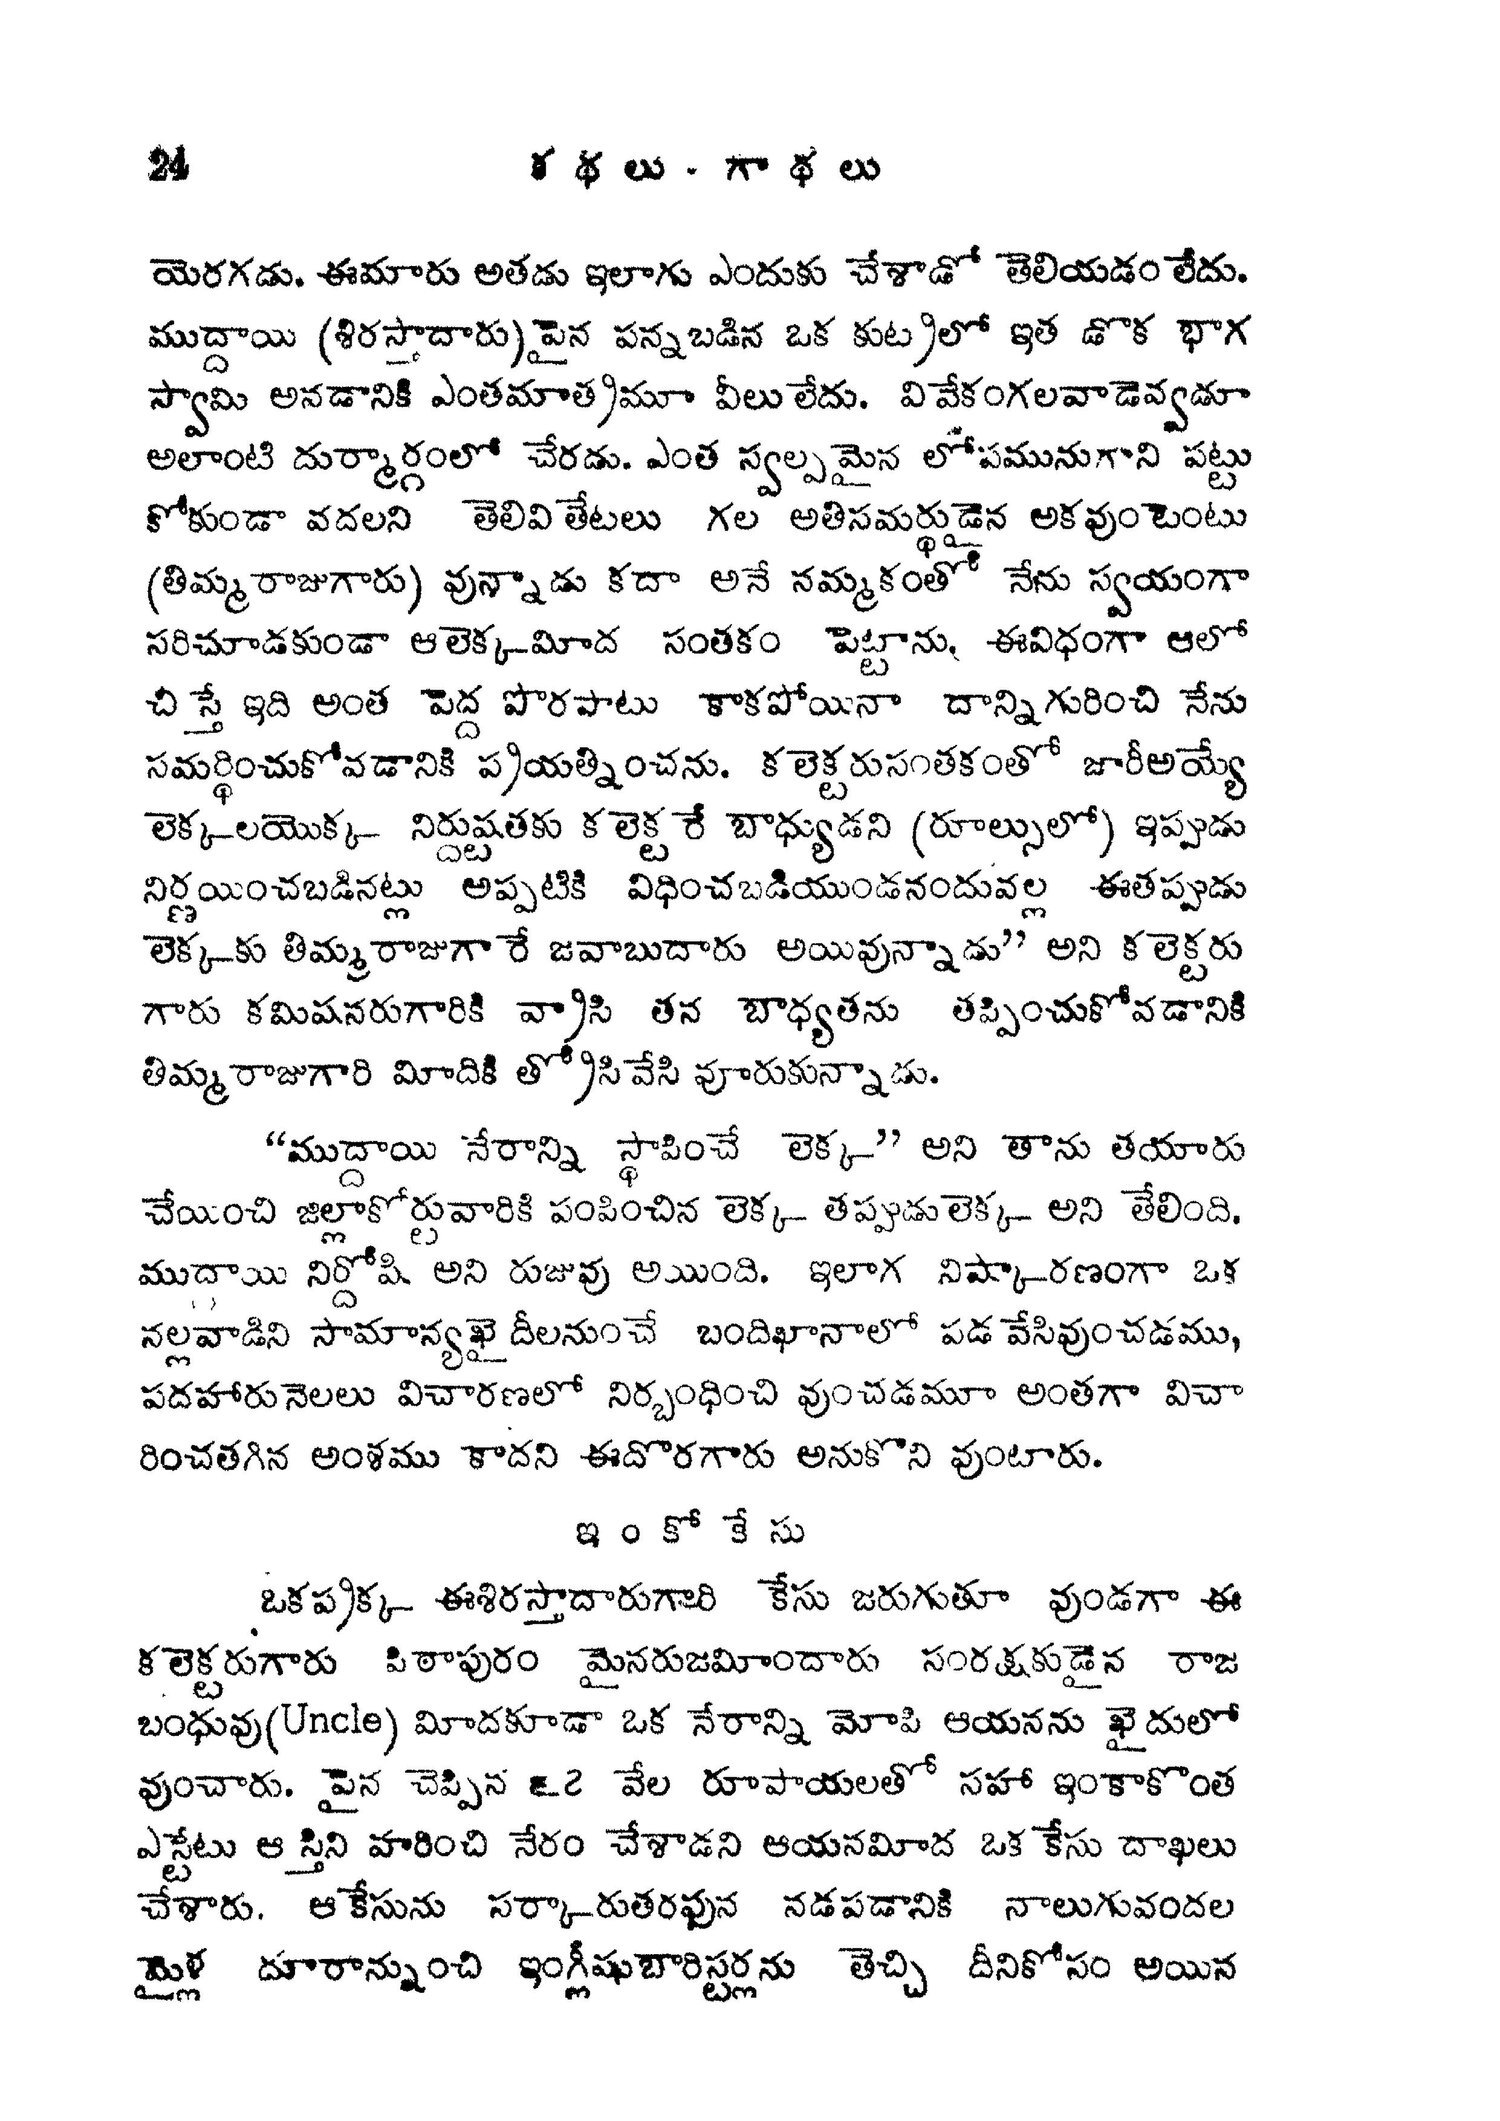యెరగడు. ఈమారు అతడు ఇలాగు ఎందుకు చేశాడో తెలియడంలేదు. ముద్దాయి (శిరస్తాదారు)పైన పన్నబడిన ఒక కుట్ర లో ఇత నొక భాగస్వామి అవడానికి ఎంతమాత్రమూ వీలులేదు. వివేకంగలవారెవ్వరూ అలాంటి దుర్మార్గంలో చేరడు. ఎంత స్వల్పమైన లోపమునుగాని పట్టుకోకుండా వదలని తెలివితేటలు గల అతిసమర్ధుడైన అకవుంటేంటు (తిమ్మరాజుగారు) వున్నాడు కదా అనే నమ్మకంతో నేను స్వయంగా సరిచూడ కుండ ఆలెక్కమీద సంతకం పెట్టాను. ఈవిధంగా ఆలొచిస్తే ఇది అంత పెద్దపొరపాటు కాకపోయినా దాన్ని గురించి నేను సమర్ధించుకోవడానికి ప్రయత్నించను. కలెక్టరుసంతకంతో జారీఅయ్యే లెక్కలయొక్క నిర్ధిష్టతకు కలెక్టరే బాధ్యుడని (రూల్సులో)ఇప్పుడు నిర్ణ యించబడినట్లు అప్పటికి విధించబడియుండనందువల్ల ఈతప్పుడు లెక్కకు తిమ్మరాజుగారే జవాబుదారు అయివున్నాడు" అని కలెక్టరు గారు కమిషనరు గారికి వ్రాసి తన బాధ్యతను తప్పించుకోవడానికి తిమ్మరాజుగారి మీదికి త్రోసివేసి వూరుకున్నాడు.

"ముద్దాయి నేరాన్ని స్థాపించే లెక్క" అని తాను తయారుచేయించి జిల్లాకోర్టు వారికి పంపించిన లెక్క తప్పుడు లెక్క అని తేలింది. ముద్దాయినిర్దోషి అని రుజువు అయింది. ఇలాగ నిష్కారణంగా ఒక నల్లవాడిని సామాన్యఖైదీలనుంచే బందిఖానాలో పడవేసివుంచడము,పదహారునెలలు విచారణలో నిర్భంధించి వుంచడమూ అంతగా విచారించతగిన అంశము కాదని ఈదొరగారు అనుకొని వుంటారు.

 
ఒకప్రక్క ఈశిరస్తాదారుగాని కేసు జరుగుతూ వుండగా ఈ కలెక్టరుగారు పిఠాపురం మైనరుజమీందారు సంరక్షుకుడైన రాజబంధువు (Uncle) మీదకూడా ఒక నేరాన్ని మోపి ఆయనను ఖైదులో వుంచారు. పైన చెప్పిన 67 వేల రూపాయలతో సహా ఇంకాకొంత ఎస్టేటు ఆస్తిని హరించి నేరం చేశాడని ఆయనమీద ఒక కేేసు దాఖలు చేశారు. ఆకేసును సర్కారుతరపున నడపడానికి నాలుగువందల మైళ్ల దూరాన్నుంచి ఇంగ్లీషుబారిష్టర్లను తెచ్చి దీనికోసం అయిన